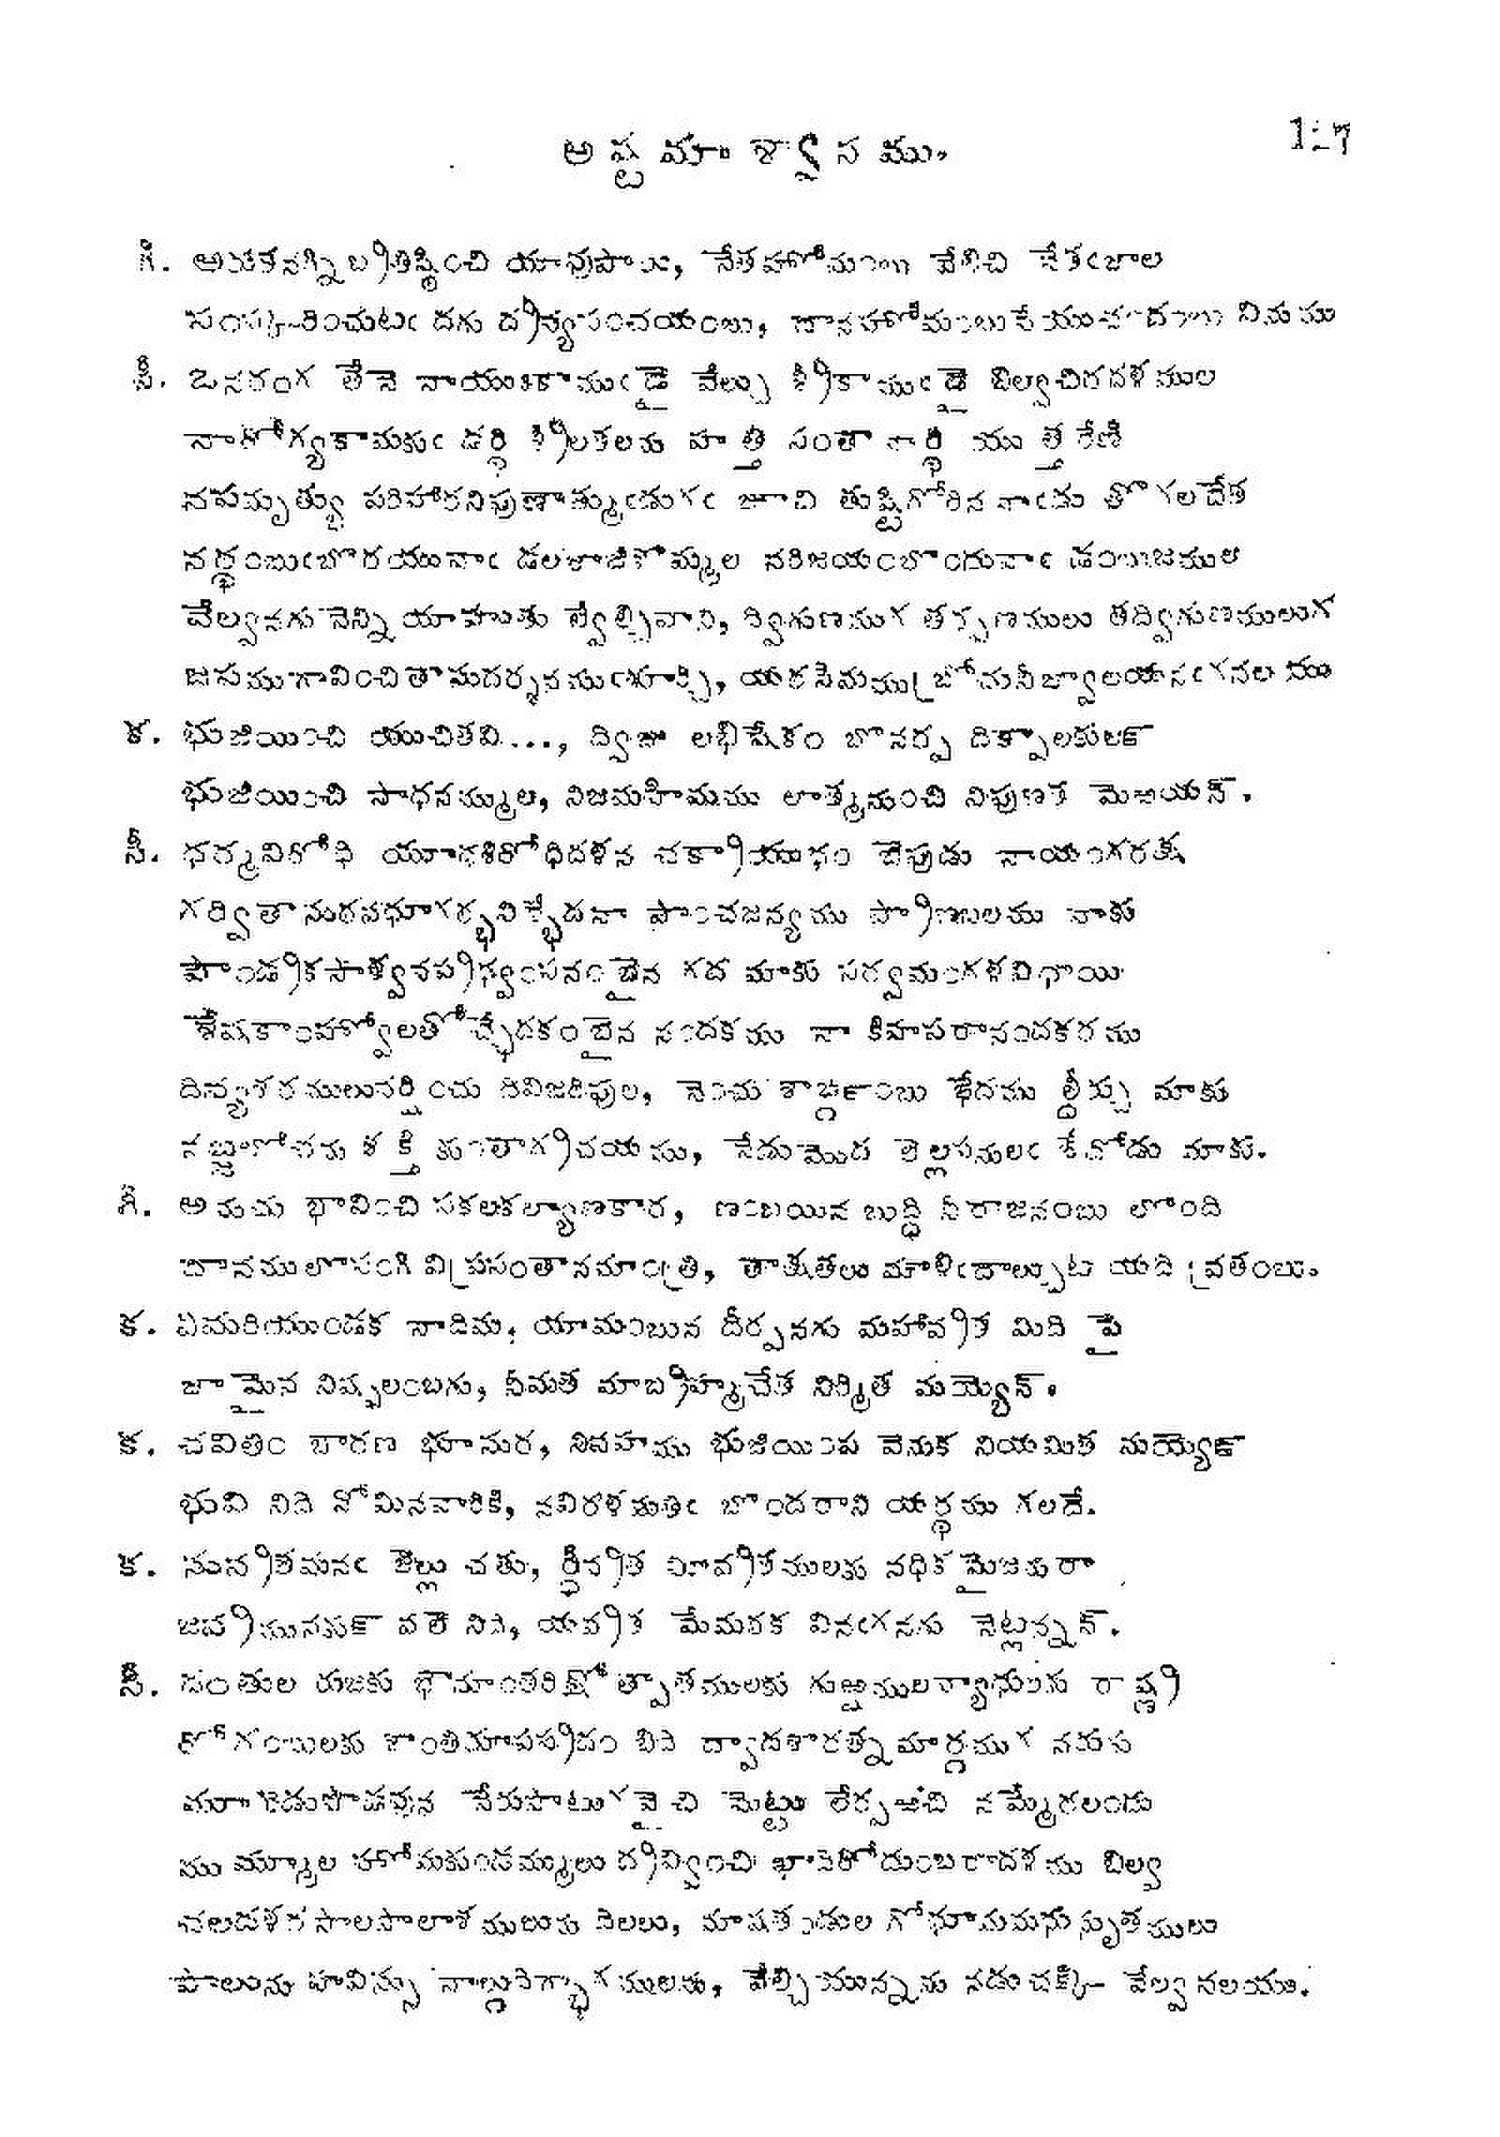గీ. అరుతనగ్ని బ్రతిష్టించి యావుపాలు, నేతహోమంబు వేలిచి నేతఁజాల
 సంస్కరించుటఁ దగు ద్రవ్యసంచయంబు, దానహోమంబు సేయుందంబు వినుము.
సీ. ఒనరంగ తేనె నాయుఃకాముఁడై వేల్చు శ్రీకాముఁడై బిల్వచిరదళముల
 నారోగ్యకామకుఁ డర్థి శ్రీలతలను హత్తి సంతానార్థి యుత్తరేణి
 నపమృత్యు పరిహారనిపుణాత్ముఁడుగఁ జూచి తుష్టిగోరినవాఁడు తొగలచేత
 నర్థంబుఁబొరయువాఁ డలజాజికొమ్మల నరిజయంబొందువాఁ డంబుజముల
 వేల్వనగు నెన్నియాహుతు ల్వేల్చివాని, ద్విగుణముగ తర్పణములు తద్విగుణములుగ
 జపము గావించి తా సుదర్శనము గూర్చి, యరసి మము బ్రోచు నీజ్వాల యనఁగవలయు.
క. భుజియించి యుచితవి ..., ద్విజు లభిషేకం బొనర్ప దిక్పాలకులన్
 భుజియించి సాధనమ్ముల, నిజమహిమము లాత్మనుంచి నిపుణత మెఱయన్.
సీ. ధర్మవిరోధి యూధశిరోధిదళన చక్రాయుధం బెపుడు నాయంగరక్ష
 గర్వితాసురవధూగర్భనిర్భేదనా పాంచజన్యము ప్రాణబలము నాకు
 పౌండ్రకసాశ్వనప్రధ్వంసనంబైన గద మాకు సర్వమంగళవిధాయి
 శేషకాంహ్వోలతోచ్ఛేదకంబైన నందకము నీ కిహపరానందకరము
 దివ్యశరములు వర్షించు దివిజరిపుల, నెంచుశాఙ్గంబు భేదము ల్దీర్చు మాకు
 నబ్జలోచను శక్తి కుంతాగ్రచయము, నేడు మొద లెల్లపనులఁ జేదోడు మాకు.
గీ. అనుచు భావించి సకలక ల్యాణకార, ణంబయిన బుద్ధి నీరాజనంబు లొంది
 దానము లొసంగి విప్రసంతానమాంత్రి, తాక్షతలు మౌళిఁ దాల్చుట యది వ్రతంబు.
క. విమరియుండక నాదిమ, యామంబున దీర్పనగు మహావ్రత మిది పై
 జా మైన నిష్పలంబగు, నీమత మాబ్రహ్మచేత నిర్మిత మయ్యెన్.
క. చవితిం బారణ భూసుర, నివహము భుజియింప వెనుక నియమిత మయ్యెన్
 భువి నిది నోమినవారికి, నవిరళమతిఁ బొందరాని యర్థము గలదే.
క. సువ్రత మనఁ జెల్లు చతు, ర్థీవ్రత మీవ్రతములకు నధిక మైజను రా
 జవ్రతమునకున్ వలె నిది, యవ్రత మేమనక వినఁగనకు నెట్లన్నన్.
సీ. దంతుల రుజకు భౌమాంతరిక్షోత్పాతములకు గుఱ్ఱముల వ్యాధులకు రాష్ట్ర
 రోగంబులకు శాంతిరూపప్రదం బిది ద్వాదశారత్నమార్గముగ నరుగు
 మూరెడుపొడవున నేరుపాటుగ వైచి మెట్టు లేర్పఱచి నమ్మేరలందు
 ముమ్మూల హోమకుండమ్ములు ద్రవ్వించి ఖాదిరోదుంబరాదళము బిల్వ
 చలదళరసాలసాలాశములును దిలలు, మాషతండుల గోధూమమధుఘృతములు
 పాలును హవిస్సు నాల్గుదిగ్భాగములను, వేల్చియున్నను నడుచక్కి వేల్వవలయు.